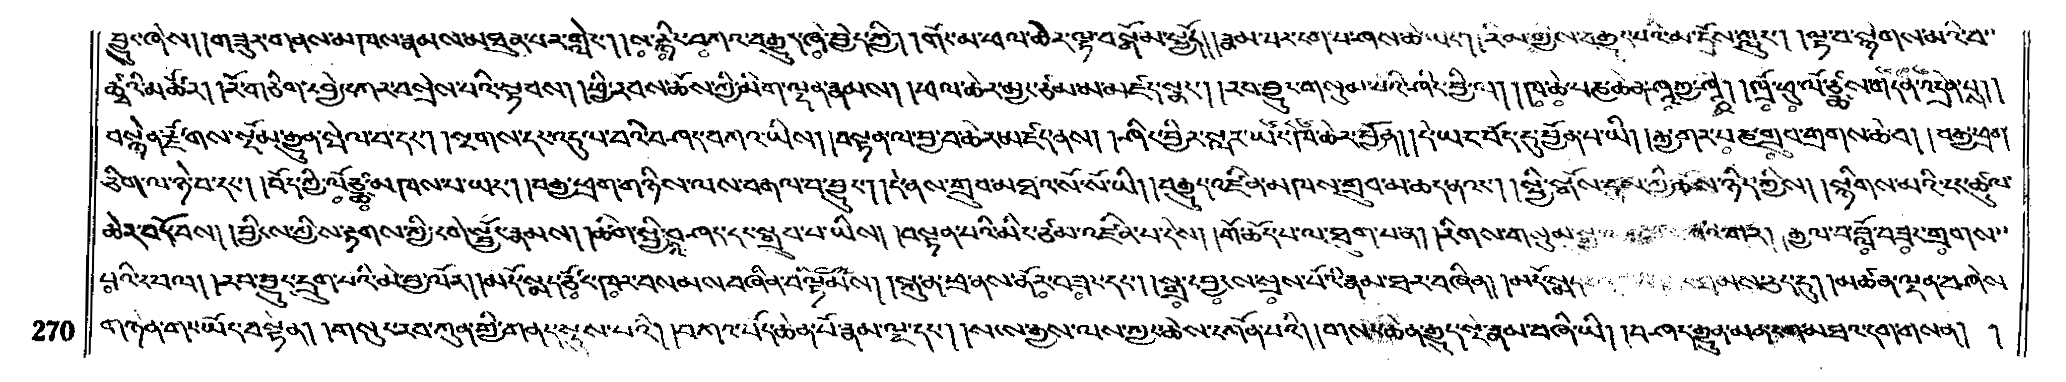བྱུང་ཞེས། །གཟུར་གནས་མཁས་རྣམས་མཐུན་པར་གླེང་། །ས་རྙིང་བཀའ་བརྒྱུད་ཞེ་བྱེད་ཀྱི། །གོང་མ་ཕལ་ཆེར་ལྟ་བསྒོམ་སྤྱོད། །རྣམ་པར་ངག་པ་ཤས་ཆེ་ཡང་། །རིམ་གྱིས་བརྒྱུད་པའི་མ་དྲོས?་ཀླུང་། །ལྟ་བ་སྙེགས་མའི་བ་
ཚྭའི་མཚོར། །རོ་གཅིག་དབྱེ་དཀར་བསྲེས་པའི་སྟབས། །ཕྱི་རབས་ཆོས་ཀྱི་མིག་ལྡན་རྣམས། །ཕལ་ཆེར་མྱང་ཙམ་མ་མཛད་སྣང་། །རབ་བྱུང་གསུམ་པའི་ཤིང་བྱི་ལ། །ཁ་ཆེ་པཎ་ཆེན་ཤཱཀྱ་ཤྲཱི། །ཁྲོ་ཕུ་ལོ་ཙྪས་གདན་འདྲེན་པས། །
བསྙེན་རྫོགས་སྡོམ་རྒྱུན་སྤེལ་བ་དང་། །སྔགས་དང་འདུལ་བའི་བཤད་བཀའ་ཡིས། །བསྟན་ལ་བྱ་བ་ཆེར་མཛད་ནས། །ཤིང་བྱིར་སླར་ཡང་ཁ་ཆེར་བྱོན། །དེ་ཡང་བོད་དུ་བྱོན་པ་ཡི། །རྒྱ་གར་པཎ་གྲུབ་གྲགས་ཆེ་བ། །བརྒྱ་ཕྲག་
ཅིག་ལ་ཉེ་བ་དང་། །བོད་ཀྱི་ལོཙྪ་མཁས་པ་ཡང་། །བརྒྱ་ཕྲག་གཉིས་ལས་བརྒལ་བ་བྱུང་། །དེ་ནས་གྲུབ་མཐའ་སོ་སོ་ཡི། །བརྒྱུད་འཛིན་མཁས་གྲུབ་མ་ཆད་ནའང་། །སྤྱི་སྒོས་དུས་ཀྱི་ཆོས་ཉིད་ཀྱིས། །སྙིགས་མའི་དང་ཚུལ་
ཆེར་བདོ་བས། །བྱིངས་ཀྱིས་རྟགས་ཀྱི་དགེ་སྦྱོང་རྣམས། །ཚིག་སྤྱིའི་བཤད་དང་སྒྲུབ་པ་ཡིས། །བསྟན་པའི་མིང་ཙམ་འཛིན་པ་དེས། །གོ་ཆོད་པ་ལ་ཐུག་པ་ན། །རིགས་གསུམ་སྒྱུ་འཕྲུལ?་བའི་གར། །རྒྱལ་བ་བློ་བཟང་གྲགས་
པའི་དཔལ། །རབ་བྱུང་དྲུག་པའི་མེ་བྱ་ལོར། །མདོ་སྨད་ཙོང་ཁར་བསམས་བཞིན་བལྟམས། །སྐུ་ན་ཕྲ་ནས་ནོར་བཟང་དང་། །སྒྲ་དབྱངས་སྲས་པོའི་རྣམ་ཐར་བཞིན། །མདོ་སྨད་དབུས་གཙང་ཐམས་ཅད་དུ། །མཚན་ལྡན་བཤེས་
གཉེན་གང་ཡོད་བསྟེན། །གསུང་རབ་ཀུན་གྱི་གནད་སྡུས་པའི། །བཀའ་བོད་ཆེན་པོ་རྣམ་ལྔ་དང་། །སངས་རྒྱས་ལས་ཀྱང་ཆེས་དགོན་པའི། །གསང་ཆེན་རྒྱུད་སྡེ་རྣམ་བཞི་ཡི། །བཤད་རྒྱུན་མན་ངག་མཐའ་དག་གསན། །